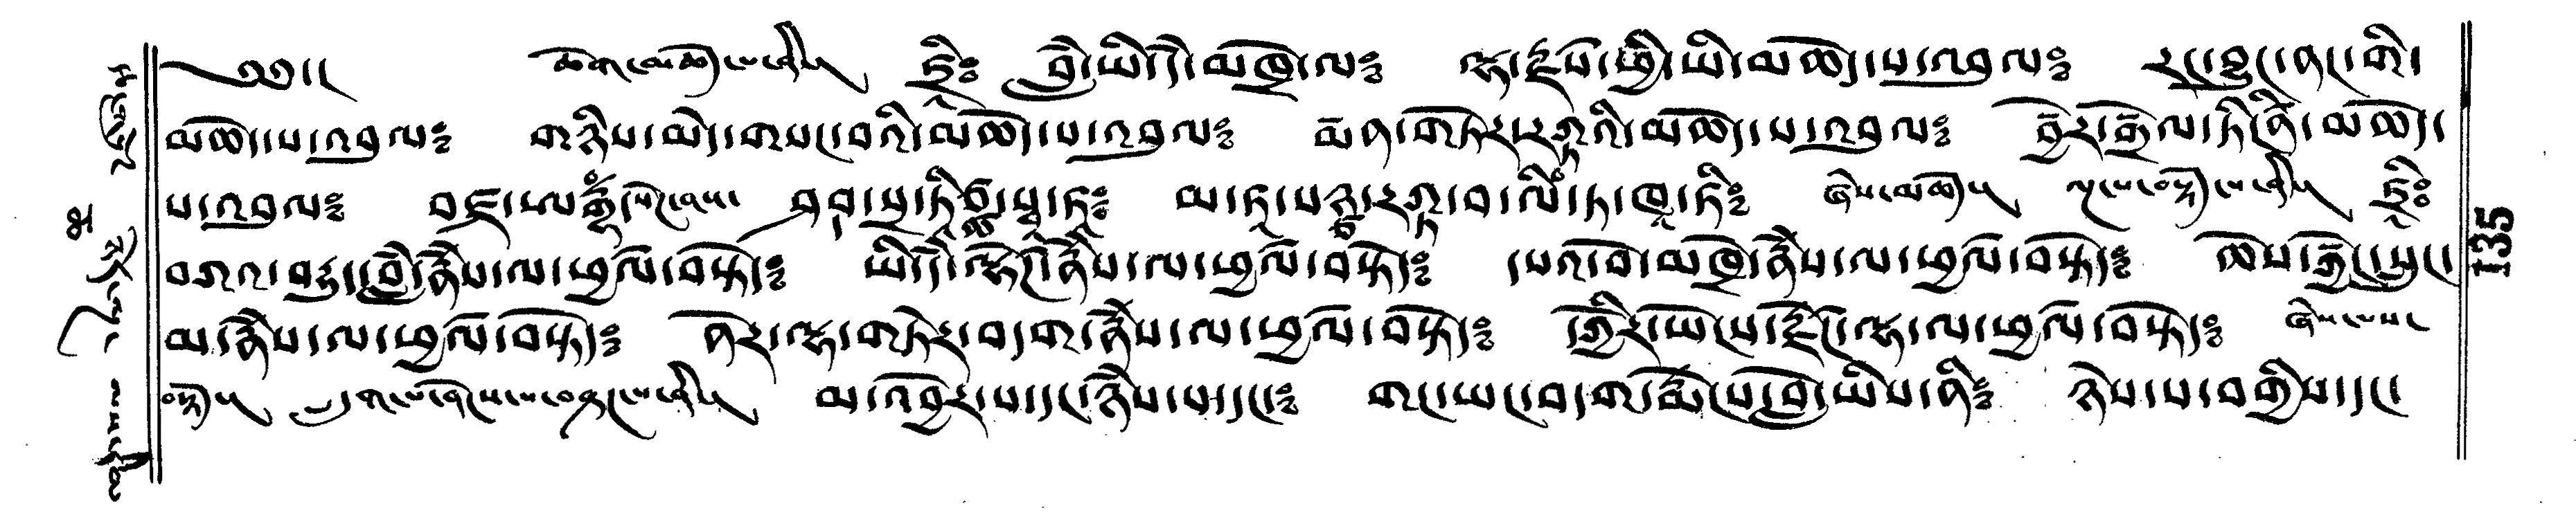ཆོག་མཆོད་པ་ནི། ཧྲཱིཿ བླ་མ་ཡི་དམ་མཁའ་འགྲོ་ལ༔ ལྷ་རྫས་ཕྱི་ཡི་མཆོད་པ་འབུལ༔ རང་བྱུང་ནང་གི་
མཆོད་པ་འབུལ༔ གཉིས་མེད་གསང་བའི་མཆོད་པ་འབུལ༔ སྨན་གཏོར་རཀྟའི་མཆོད་པ་འབུལ༔ སྦྱོར་སྒྲོལ་ཏིང་འཛིན་མཆོད་
པ་འབུལ༔ བཛྲ་ཨརྒྷཾ་སོགས་ནས། ཤབྡ་པྲ་ཏཱིཙྪ་སྭ་ཧཱ༔ མ་ཧཱ་པཉྩ་རཀྟ་བ་ལིཾ་ཏ་ཁཱ་ཧི༔ ཞེས་མཆོད། ལྔ་པ་བསྟོད་པ་ནི། ཧྲཱིཿ
བཀའ་བརྒྱུད་བླ་མ་རྣམས་ལ་ཕྱག་འཚལ་བསྟོད༔ ཡི་དམ་ལྷ་ཚོགས་རྣམས་ལ་ཕྱག་འཚལ་བསྟོད༔ དཔའ་བོ་མཁའ་འགྲོ་རྣམས་ལ་ཕྱག་འཚལ་བསྟོད༔ ཆོས་སྐྱོང་སྲུང་
མ་རྣམས་ལ་ཕྱག་འཚལ་བསྟོད༔ ནོར་ལྷ་གཏེར་བདག་རྣམས་ལ་ཕྱག་འཚལ་བསྟོད༔ དཀྱིལ་འཁོར་ཡོངས་རྫོགས་ལྷ་ལ་ཕྱག་འཚལ་བསྟོད༔ ཞེས་པས་
བསྟོད། དྲུག་པ་ནོངས་པ་བཤགས་པ་ནི། མ་འབྱོར་པ་དང་ཉམས་པ་དང་། །གང་ཡང་བདག་རྨོངས་བློ་ཡིས་ནི། །ཉེས་པ་བགྱིས་དང་